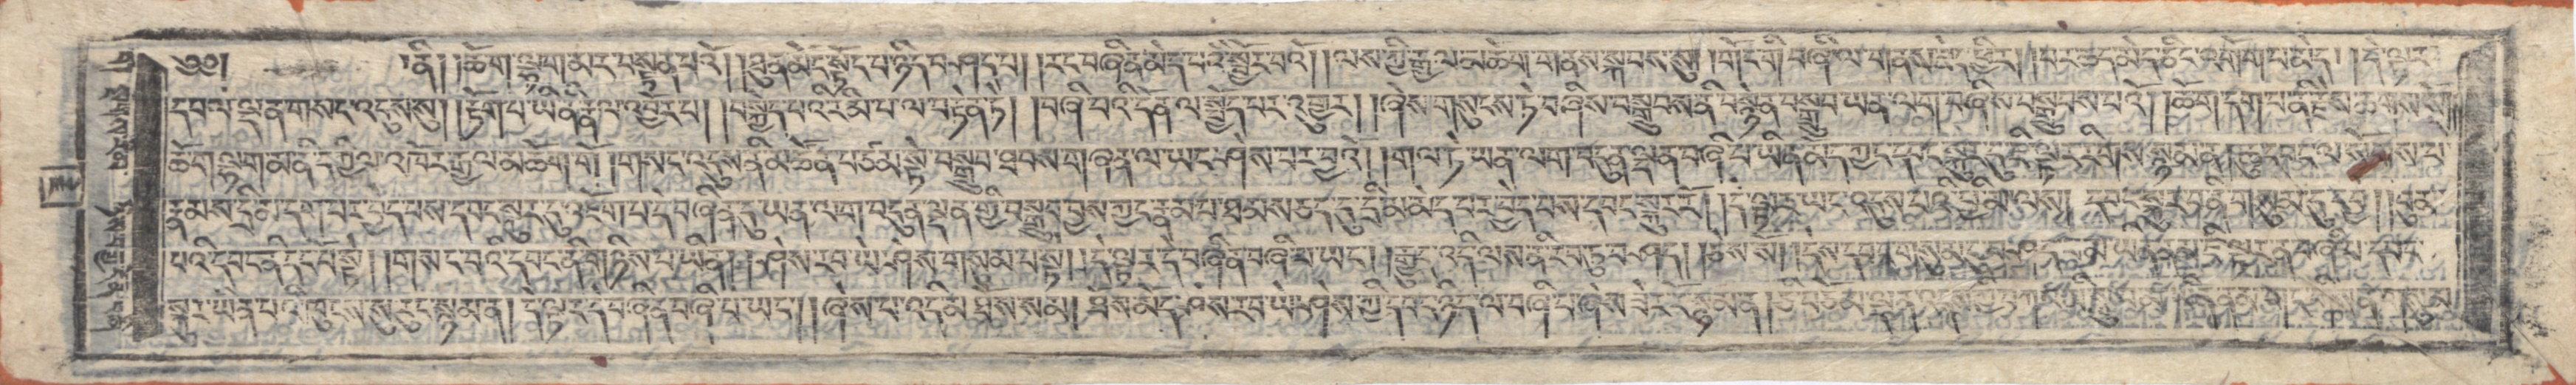༄༅། །ནི། །ཆོ་ག་ལྷག་མར་བསྟན་པའོ། །ཐུན་མོང་སྟོང་པ་ཉིད་བཤད་པ། །རང་བཞིན་མེད་པའི་སྦྱོར་བའོ། །ལས་ཀྱི་རྒྱལ་མཆོག་གནས་སྐབས་སུ། །གོང་གི་བཞི་ལ་གནས་མེད་ཕྱིར། །བར་ཆད་མེད་ཅིང་འགོག་པ་མེད། །དེ་ལྟར་
དཔལ་ལྡན་གསང་འདུས་སུ། །རྟོག་པ་ཡི་ནི་རྣལ་འབྱོར་པ། །བསྐྱེད་པའི་རིམ་པ་ལ་བརྟེན་ཏེ། །བཞི་པའི་དོན་ལ་སྤྱོད་པར་འགྱུར། །ཞེས་གསུངས་ཏེ་བཞིས་བསྒྲུབས་ནི་བསྙེན་བསྒྲུབ་ཡན་ལག་བཞིས་བསྒྲུབས་པའོ། །ཆོ་ག་དག་པ་ནི་རྗེས་ཆགས་སོ།
ཆོ་ག་ལྷག་མ་ནི་དཀྱིལ་འཁོར་རྒྱལ་མཆོག་གོ །གསང་འདུས་ནི་མཚོན་པ་ཙམ་སྟེ་བསྒྲུབ་ཐབས་གཞན་ལ་ཡང་ཤེས་པར་བྱའོ། །གལ་ཏེ་ཡན་ལག་བདུན་ལྡན་བཞི་པ་ཡིན་མོད་ཀྱང་དབང་སྐུར་དུ་ཇི་ལྟར་རིགས་སྙམ་ན། ཆུ་དབང་ལ་སོགས་པ་
རྣམས་དྲི་མ་དག་པར་བྱེད་པས་དབང་སྐུར་དུ་འཇོག་པ་དེ་བཞིན་དུ་ཡན་ལག་བདུན་ལྡན་གྱི་བསྒྲུབ་བྱས་ཀྱང་རྣམ་པ་ཐམས་ཅད་དུ་དྲི་མ་མེད་པར་བྱེད་པས་དབང་སྐུར་རོ། །དེ་ལྟར་ཡང་འདུས་པའི་ཕྱི་མ་ལས། དབང་སྐུར་བ་ནི་གསུམ་དུ་དབྱེ། །བུམ་
པའི་དབང་ནི་དང་པོ་སྟེ། །གསང་བའི་དབང་ནི་གཉིས་པ་ཡིན། །ཤེས་རབ་ཡེ་ཤེས་གསུམ་པ་སྟེ། །དེ་ལྟར་དེ་བཞིན་བཞི་པ་ཡང་། །རྒྱུད་འདི་ལས་ནི་རབ་ཏུ་བཤད། །ཅེས་སོ། །དེས་དབང་གསུམ་དུ་བཤད་པ་མ་ཡིན་ནམ་ཇི་ལྟར་ན་བཞི་པ་དབང་
སྐུར་ཡིན་པའི་ཁུངས་སུ་རུང་སྙམ་ན། དེ་ལྟར་དེ་བཞིན་བཞི་པ་ཡང་། །ཞེས་པ་འདི་མ་ཐོས་སམ། ཐོས་མོད་ཤེས་རབ་ཡེ་ཤེས་ཀྱི་དབང་ཉིད་ལ་བཞི་པ་ཞེས་ཟེར་རོ་སྙམ་ན། ཅི་བཅོམ་ལྡན་འདས་ཀྱི་བཀའ་མི་སླུ་བ་མ་ཡིན་ནམ་གང་གིས་ན་གསུམ་